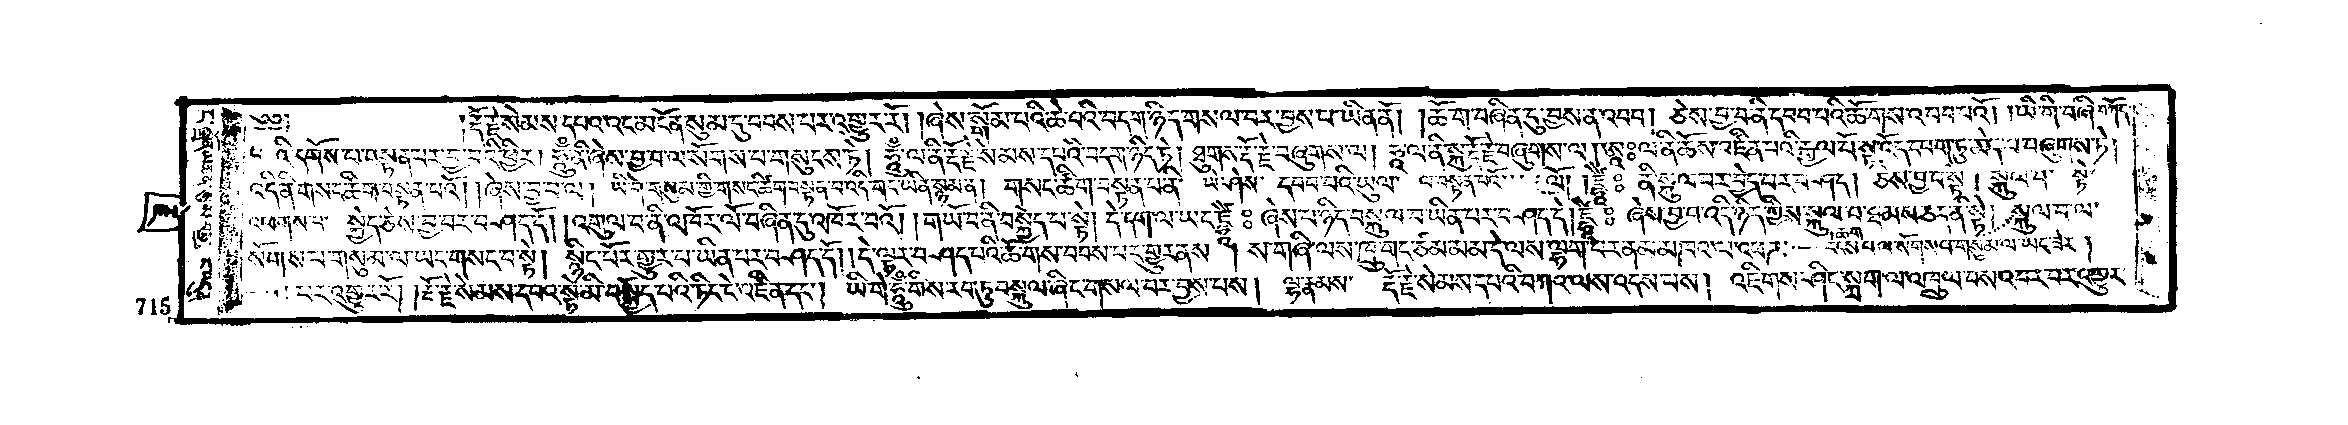༄༅། །རྡོ་རྗེ་སེམས་དཔའ་འང་མངོན་སུམ་དུ་བབས་པར་འགྱུར་རོ། །ཞེས་སྒོམ་པའི་ཆེ་བའི་བདག་ཉིད་གསལ་བར་བྱས་པ་ཡིན་ནོ། །ཆོ་ག་བཞིན་དུ་བྱས་ན་འབབ། ཅེས་བྱ་བ་ནི་དབབ་པའི་ཆོ་གས་འབབ་པའོ། །ཡི་གེ་བཞི་བཀོད་
པའི་དགོས་པ་བསྟན་པར་བྱ་བའི་ཕྱིར། ཧཱུཾ་ནི་ཞེས་བྱ་བ་ལ་སོགས་པ་གསུངས་ཏེ། ཧཱུཾ་ལ་ནི་རྡོ་རྗེ་སེམས་དཔའི་བདག་ཉིད་ཏེ། ཐུགས་རྡོ་རྗེ་བཞུགས་ལ། ཧཱ་ལ་ནི་སྐུ་རྡོ་རྗེ་བཞུགས་ལ། ཨཱཿ ལ་ནི་ཆོས་འཛིན་པའི་རྒྱལ་པོ་སྟེ་འོད་དཔག་ཏུ་མེད་པ་བཞུགས་ཏེ།
འདི་ནི་གསང་ཚིག་བསྟན་པའོ། །ཞེས་བྱ་བ་ལ། ཡི་གེ་གསུམ་གྱི་གསང་ཚིག་བསྟན་པ་འདི་གང་ཡིན་སྙམ་ན།  གསང་ཚིག་བསྟན་པ་ནི་ཡེ་ཤེས་དབབ་པའི་ཡུལ་ལ་བསྟན་པའོ་ལོ། །ཛྷEཨེཿ ནི་སྐུལ་བར་བྱེད་པར་བཤད། ཅེས་བྱ་བ་སྟེ། སྐུལ་བ་སྟེ་
འཕགས་པ་སྐྱེད་ཅེས་བྱ་བར་བཤད་དོ། །འགུལ་བ་ནི་འཁོར་ལོ་བཞིན་དུ་འཁོར་བའོ། །གཡོ་བ་ནི་བསྐྱོད་པ་སྟེ། དེ་དག་ལ་ཡང་ཛྷEཨེཿ ཞེས་པ་ཉིད་བསྐུལ་བ་ཡིན་པར་བཤད་དེ། ཛྷEཨེཿ ཞེས་བྱ་བ་འདི་ཉིད་ཀྱིས་སྐུལ་བ་ཐམས་ཅད་ནི་སྟེ། སྐུལ་བ་ལ་
སོགས་པ་གསུམ་ལ་ཡང་གསང་བ་སྟེ། སྙིང་པོར་གྱུར་པ་ཡིན་པར་བཤད་དོ། །དེ་ལྟར་བཤད་པའི་ཆོ་གས་བབས་པར་གྱུར་ནས། ས་གཞི་ལས་ཁྲུ་གང་ཙམ་མམ་དེ་ལས་ལྷག་པར་ནམ་མཁའ་ལ་འཕགས་ཆག་རེངས་པ་ལ་སོགས་པ་གསུམ་ལ་ཡང་ཟེར
.Hཔར་འགྱུར་རོ། །རྡོ་རྗེ་སེམས་དཔའ་སྟེ་མི་བསྐྱོད་པའི་ཏིང་ངེ་འཛིན་དང་། ཡི་གེ་ཧཱུཾ་གིས་རབ་ཏུ་བསྐུལ་ཞིང་གསལ་བར་བྱས་པས། ལྷ་རྣམས་རྡོ་རྗེ་སེམས་དཔའི་བཀའ་ལས་འདས?་པས། འཇིགས་ཤིང་སྐྲག་ལ་འཁྲུལ་བས་འབར་བར་འགྱུར་